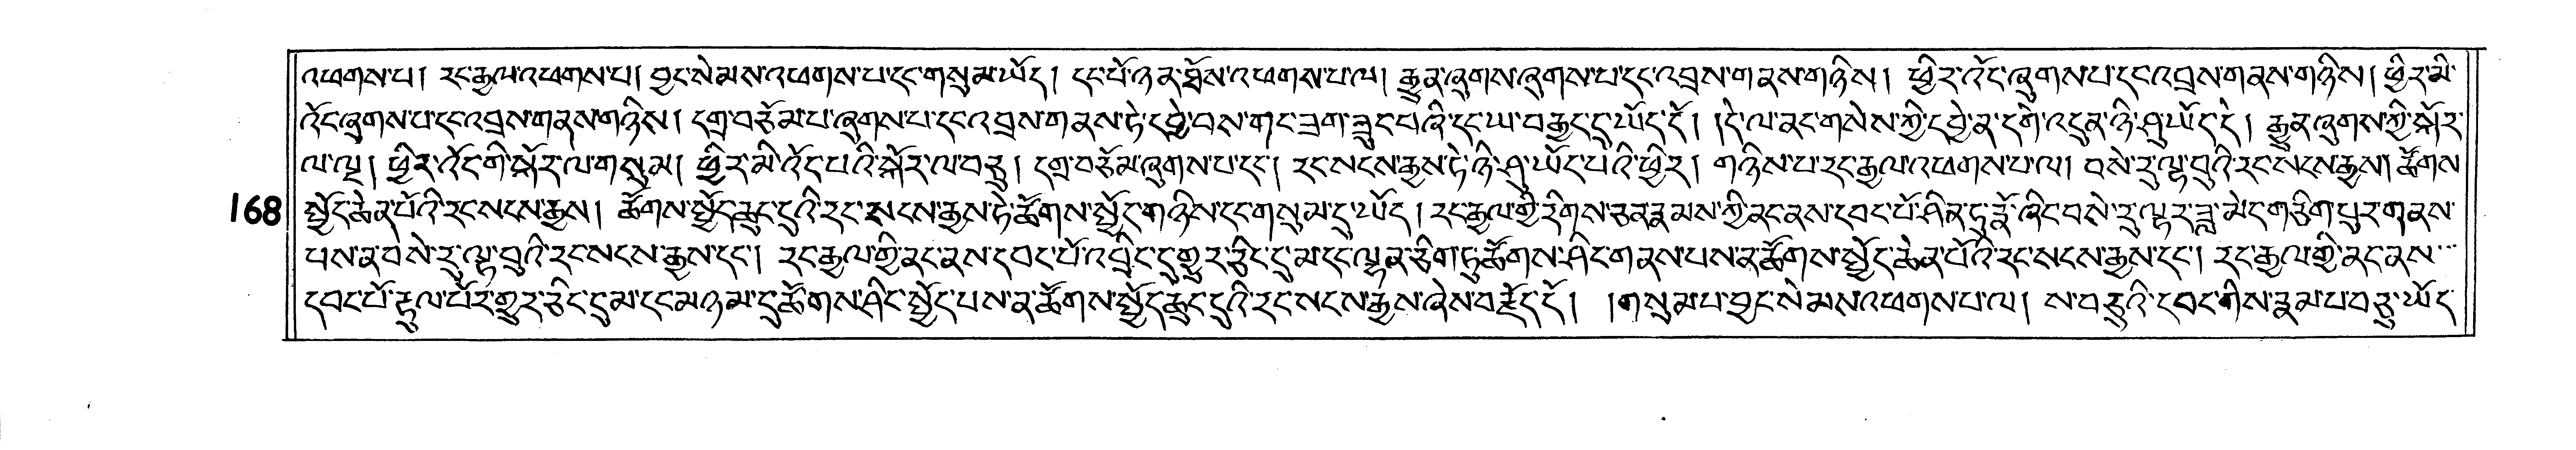འཕགས་པ། རང་རྒྱལ་འཕགས་པ། བྱང་སེམས་འཕགས་པ་དང་གསུམ་ཡོད། དང་པོ་ཉན་ཐོས་འཕགས་པ་ལ། རྒྱུན་ཞུགས་ཞུགས་པ་དང་འབྲས་གནས་གཉིས། ཕྱིར་འོང་ཞུགས་པ་དང་འབྲས་གནས་གཉིས། ཕྱིར་མི་
འོང་ཞུགས་པ་དང་འབྲས་གནས་གཉིས། དགྲ་བཅོམ་པ་ཞུགས་པ་དང་འབྲས་གནས་ཏེ་དབྱེ་བས་གང་ཟག་ཟུང་བཞི་དང་ཡ་བརྒྱད་དུ་ཡོད་དོ། །དེ་ལ་ནང་གསེས་ཀྱི་དབྱེ་ན་དགེ་འདུན་ཉི་ཤུ་ཡོད་དེ། རྒྱུན་ཞུགས་ཀྱི་སྐོར་
ལ་ལྔ། ཕྱིར་འོང་གི་སྐོར་ལ་གསུམ། ཕྱིར་མི་འོང་པའི་སྐོར་ལ་བཅུ། དགྲ་བཅོམ་ཞུགས་པ་དང་། རང་སངས་རྒྱས་ཏེ་ཉི་ཤུ་ཡོད་པའི་ཕྱིར། གཉིས་པ་རང་རྒྱལ་འཕགས་པ་ལ། བསེ་རུ་ལྟ་བུའི་རངས་སངས་རྒྱས། ཚོགས་
སྤྱོད་ཆེན་པོའི་རངས་སངས་རྒྱས། ཚོགས་སྤྱོད་ཆུང་ངུའི་རང་སངས་རྒྱས་ཏེ་ཚོགས་སྤྱོད་གཉིས་དང་གསུམ་དུ་ཡོད། རང་རྒྱལ་གྱི་རིགས་ཅན་རྣམས་ཀྱི་ནང་ནས་དབང་པོ་ཤིན་ཏུ་རྣོ་ཞིང་བསེ་རུ་ལྷར་ཟླ་མེད་གཅིག་པུར་གནས་
པས་ན་བསེ་རུ་ལྟ་བུའི་རང་སངས་རྒྱས་དང་། རང་རྒྱལ་གྱི་ནང་ནས་དབང་པོ་འབྲིང་དུ་གྱུར་ཅིང་དུ་མ་དང་ལྷན་ཅིག་ཏུ་ཚོགས་ཤིང་གནས་པས་ན་ཚོགས་སྤྱོད་ཆེན་པོའི་རང་སངས་རྒྱས་དང་། རང་རྒྱལ་གྱི་ནང་ནས་
དབང་པོ་རྟུལ་པོར་གྱུར་ཅིང་དུ་མ་དང་མཉམ་དུ་ཚོགས་ཤིང་སྤྱོད་པས་ན་ཚོགས་སྤྱོད་ཆུང་དུའི་རང་སངས་རྒྱས་ཞེས་བརྗོད་དོ། །གསུམ་པ་བྱང་སེམས་འཕགས་པ་ལ། ས་བཅུའི་དབང་གིས་རྣམ་པ་བཅུ་ཡོད་